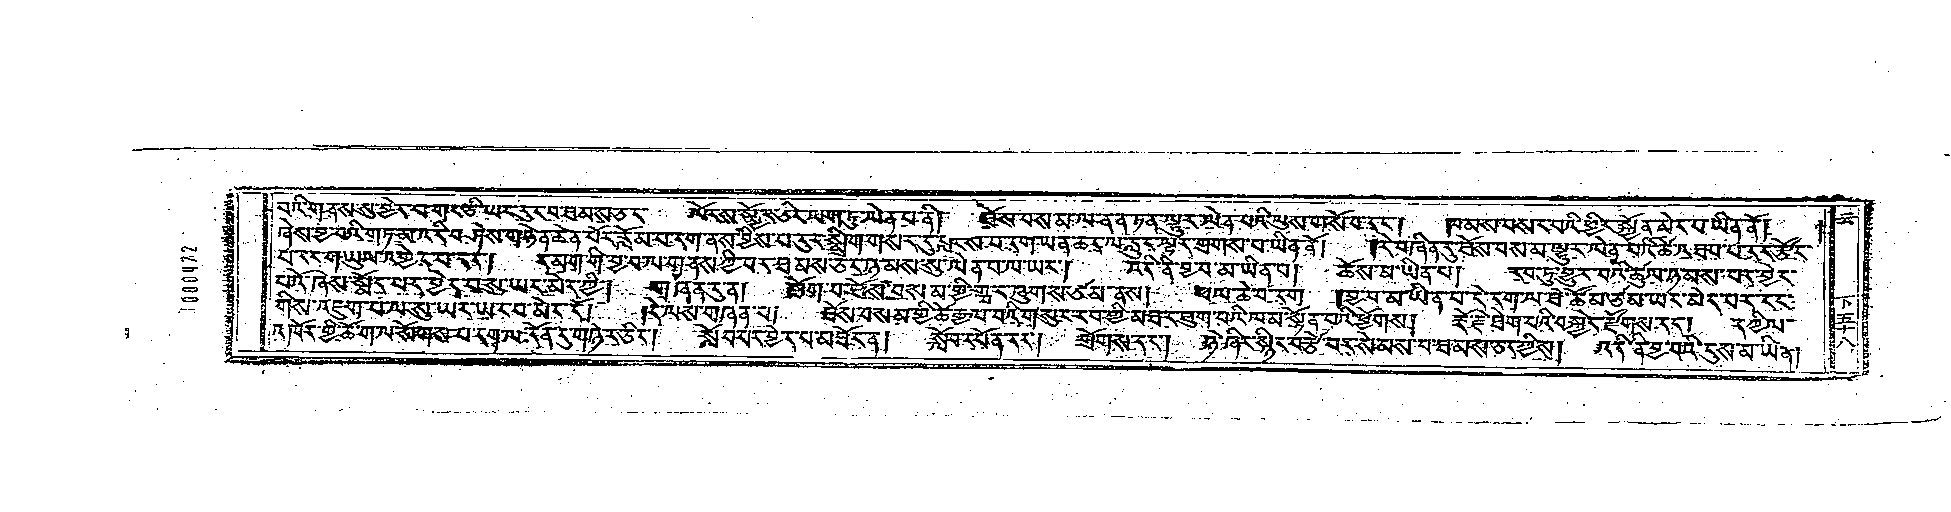བའི་གནས་སུ་བྱེད་པ་གང་ཅི་ཡང་རུང་བ་ཐམས་ཅད་ལོངས་སྤྱོད་ཅིང་ལག་ཏུ་ལེན་པ་ནི། ཐོས་བསམ་ལ་ནན་ཏན་ལྷུར་ལེན་པའི་ལུས་གསོ་བ་དང་། ཁམས་བསང་བའི་ཕྱིར་སྐྱོན་མེད་པ་ཡིན་ནོ།
ཞེས་བྱ་བའི་གཏམ་འདི་བཤེས་གཉེན་ཆེན་པོར་རློམ་པ་དག་ནས་བྱིས་པ་དུར་སྨྲིག་གསང་དུ་བླངས་པ་ངག་ཡན་ཆད་ལ་རླུང་ལྟར་གྲགས་པ་ཡིན་ནོ། །དེ་བཞིན་དུ་ཐོས་བསམ་ལྷུར་ལེན་པའི་ཚེ་འཐབ་པ་དང་རྩོད་
པ་དང་གཡུལ་འགྱེད་པ་དང་། དམག་གི་བྱ་བ་ལ་གནས་ཀྱི་བར་ཐམས་ཅད་ཉམས་སུ་ལེན་པ་ལ་ཡང་། འདི་ནི་བྱ་བ་མ་ཡིན་པ། ཆོས་མ་ཡིན་པ། རབ་ཏུ་བྱུང་བའི་ཚུལ་ཉམས་པར་བྱེད་
པའོ་ཞེས་སྨོད་པར་བྱེད་པ་སུ་ཡང་མེད་ཀྱི། གཞན་དུ་ན། སློག་པ་ཐོས་བསམ་གྱི་གྲྭར་ཞུགས་ཙམ་ནས། ཕལ་ཆེ་བ་དག །བྱ་བ་མ་ཡིན་པ་དེ་དག་ལ་ཐེ་ཚོམ་ཙམ་ཡང་མེད་པར་དང་
གིས་འཇུག་པ་ལ་སུ་ཡང་ཡང་བ་མེད་དོ། །དེ་ལས་གཞན་པ། ཐོས་བསམ་གྱི་ཚེ་རྒྱལ་བའི་གསུང་རབ་ཀྱིས་མཐར་ཐུག་པའི་ལམ་སྟོན་པའི་ཕྱོགས། རྡོ་རྗེ་ཐེག་པའི་བསྐྱེད་རྫོགས་དང་། དཀྱིལ་
འཁོར་གྱི་ཆོ་ག་ལ་སོགས་པ་དག་ལ་དོན་དུ་གཉེར་ཅིང་། སློབ་པར་བྱེད་པ་མཐོང་ན། སློབ་དཔོན་དང་། གྲོགས་དང་། ཉེ་ཞིང་སྙིང་བརྩེ་བར་སེམས་པ་ཐམས་ཅད་ཀྱིས། འདི་ནི་བྱ་བའི་དུས་མ་ཡིན།